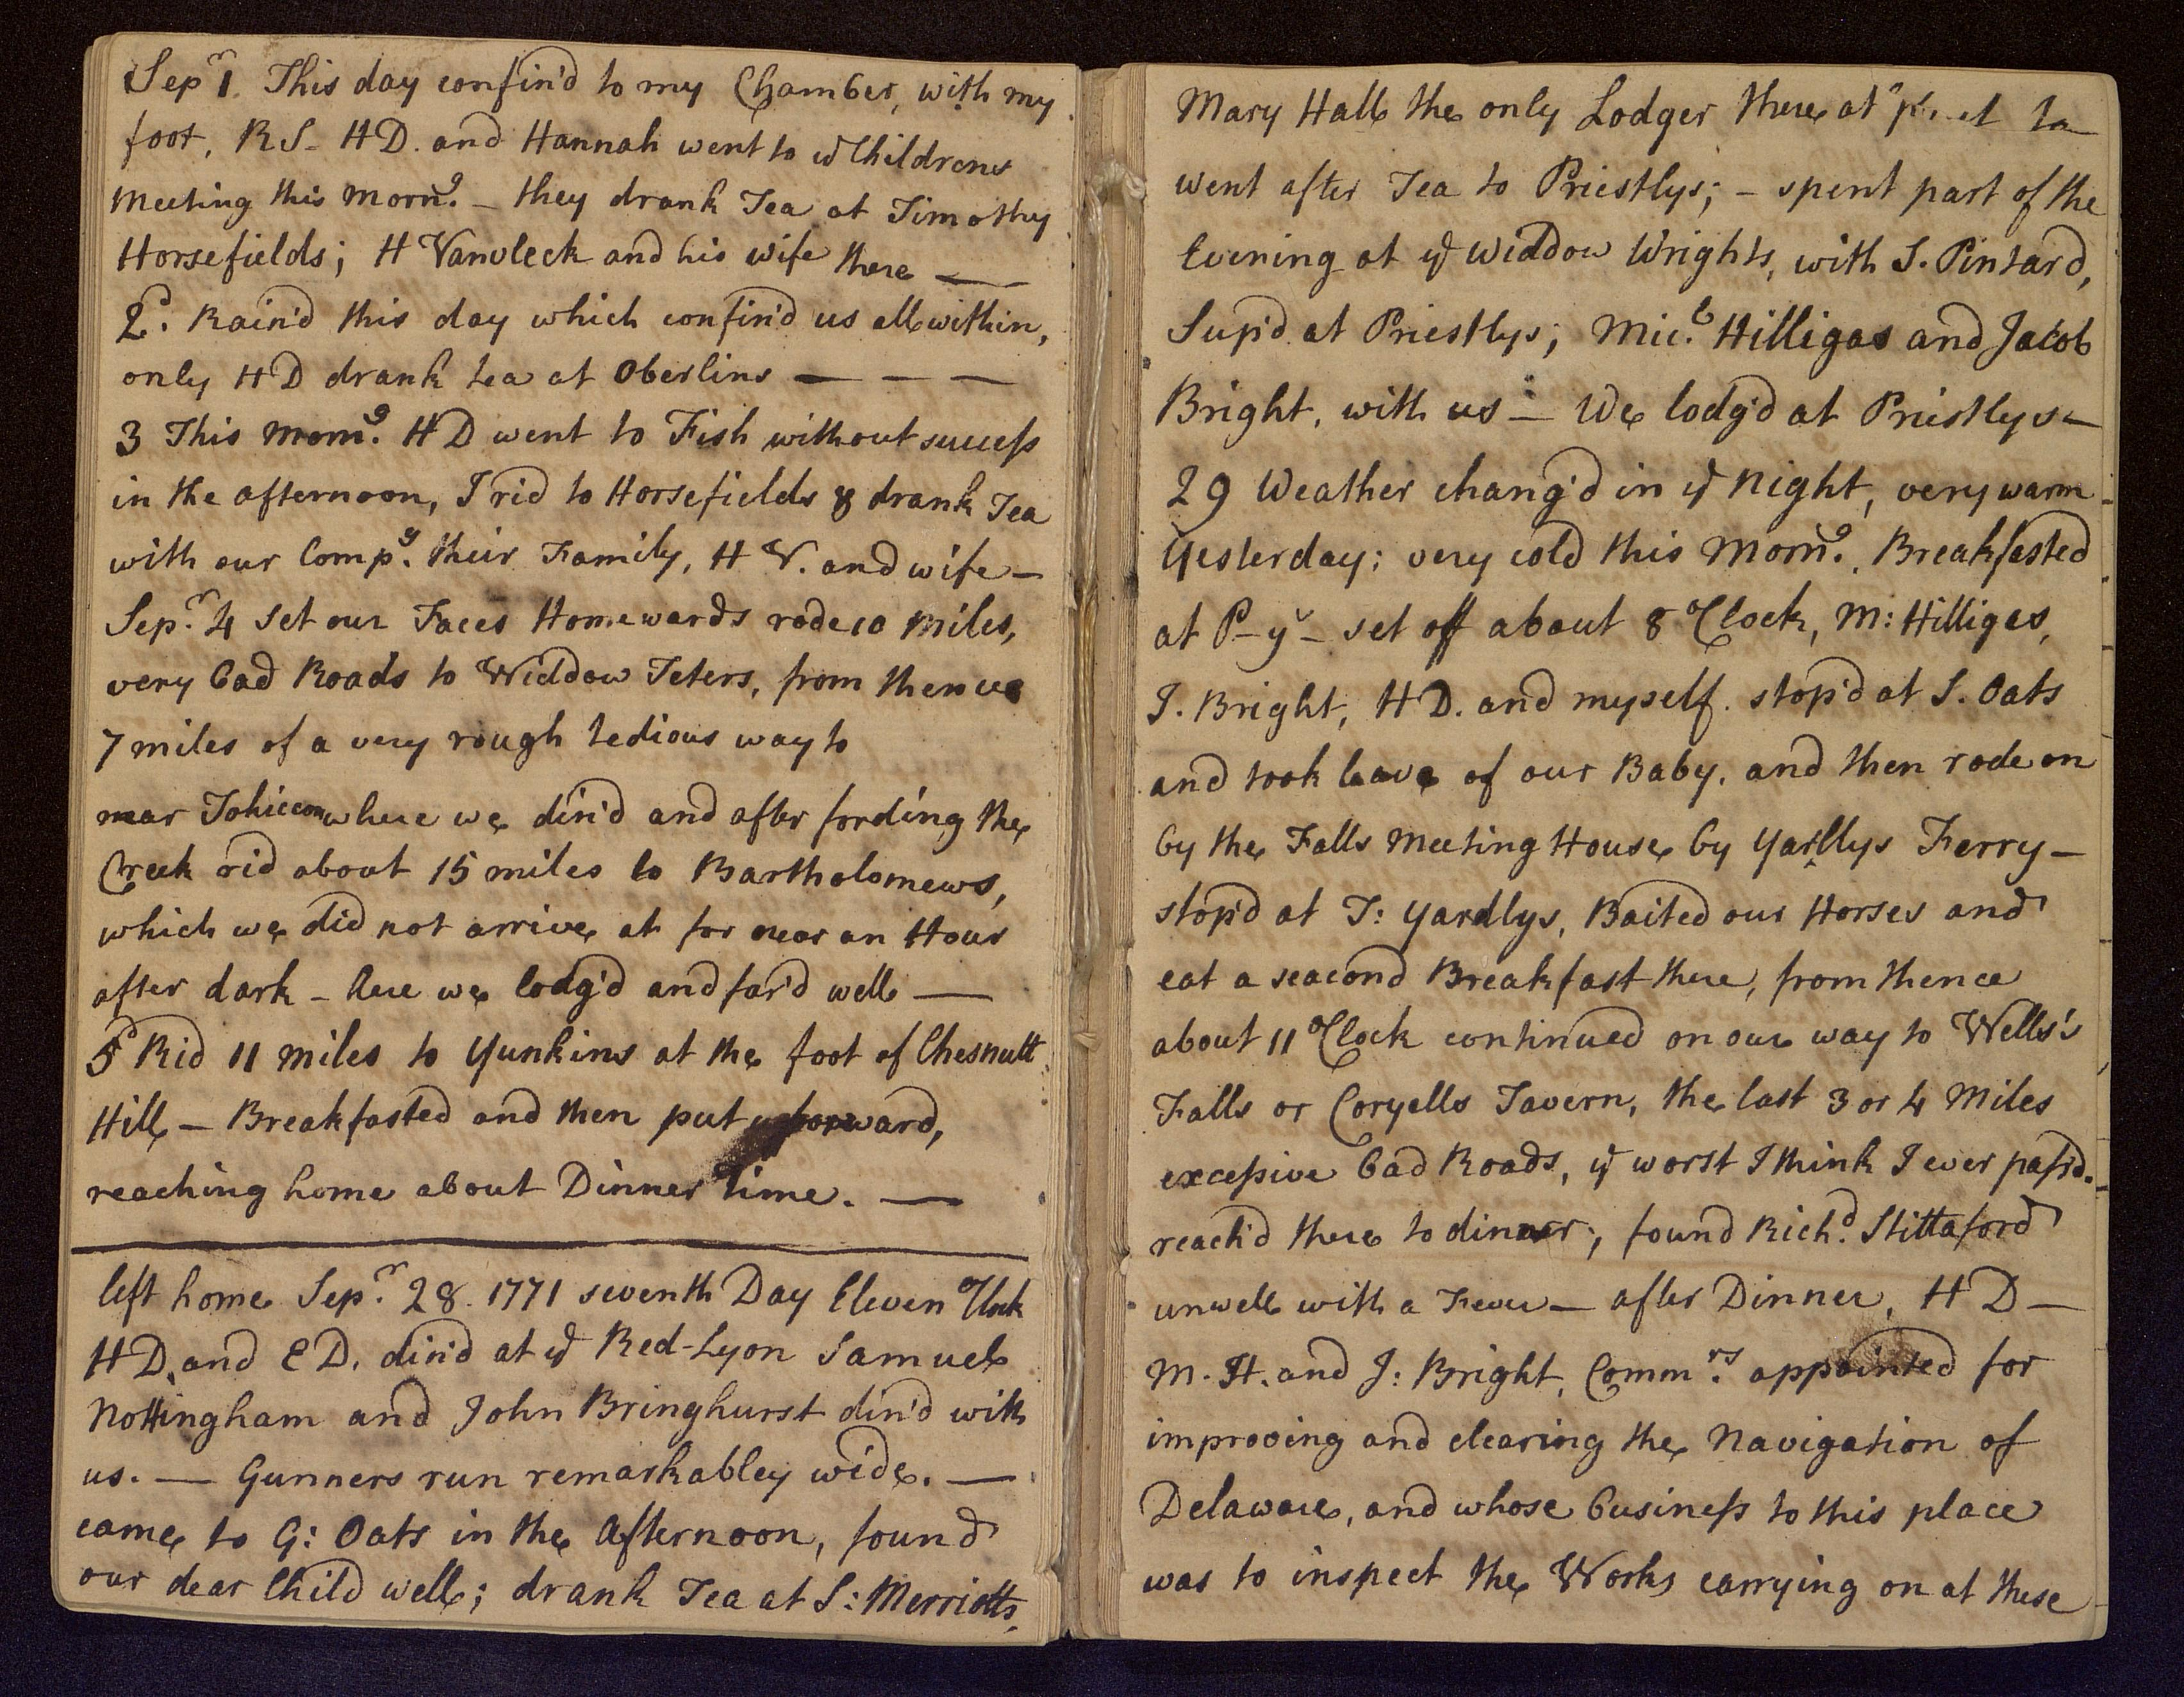Sep ^m 1. This day confin'd to my Chamber, with my
foot. RS. HD. and Hannah went to y^e Childrens
meeting this morn^g.- they drank Tea at Timothy
Horsefields; H Vansleck and his wife there -
2^d. Rain'd this day which confin'd us all within,
only HD drank tea at Oberlins-
3 This Morn^g. HD went to Fish without success
in the afternoon, I rid to Horsefields & drank Tea
with our Comp^y. their Family, HS. and wife -
Sep^m. 4 set our Faces Homewards rode 10 miles,
very bad Roads to Widdow Teters, from then u
7 miles of a very rough tedious way to
near Tohiccon where we din'd and after fording the
Creek rid about 15 miles to Bartholomews,
which we did not arrive at for near an Hour
after dark- here we lodg'd and far'd well-
5^d Rid 11 miles to Yunkins at the foot of Chesnutt
Hill- Breakfasted and then put utopward,
reaching home about Dinner time. -
left home Sep^m. 28. 1771 seventh Day Eleven oClock
HD, and ED. din'd at y^e Red-Lyon Samuel
Nottingham and John Bringhurst din'd with
us.- Gunners run remarkabley wide.-
came to G: Oats in the Afternoon, found
our dear child well; drank Tea at S: Merriotts
Mary Hall the only Lodger there at p
went after Tea to Priestlys;- spent part of the
Evening at y^e Widdow Wrights with S. Pintard,
Sup'd at Priestlys; Mic^l. Hilligas and Jacob
Bright, with us- We lodg'd at Priestlys-
29 Weather chang'd in y^e night, very warm
Yesterday; very cold this morn^g. Breakfasted
at P-y^s- set off about 8 oClock, M: Hilligas,
I. Bright, HD. and myself stop'd at S. Oats
and took [leave] of our Baby, and then rode on
by the Falls meeting House by Yarllys Ferry-
stop'd at T: Yardlys, Baited our Horses and
eat a seacond Breakfast there, from thence
about 11 oClock continued on our way to Wells's
Falls or Coryells Tavern, the last 3 or 4 Miles
excessive bad Roads, y^e worst I think I ever passd.
reach'd there to din[__]r, found Rich^d. Stittaford
unwell with a Fever- after Dinner, HD-
M. H. and J: Bright, Comm^rs. appointed for
improving and clearing the Navigation of
Delaware, and whose business to this place
was to inspect the Works carrying on at these